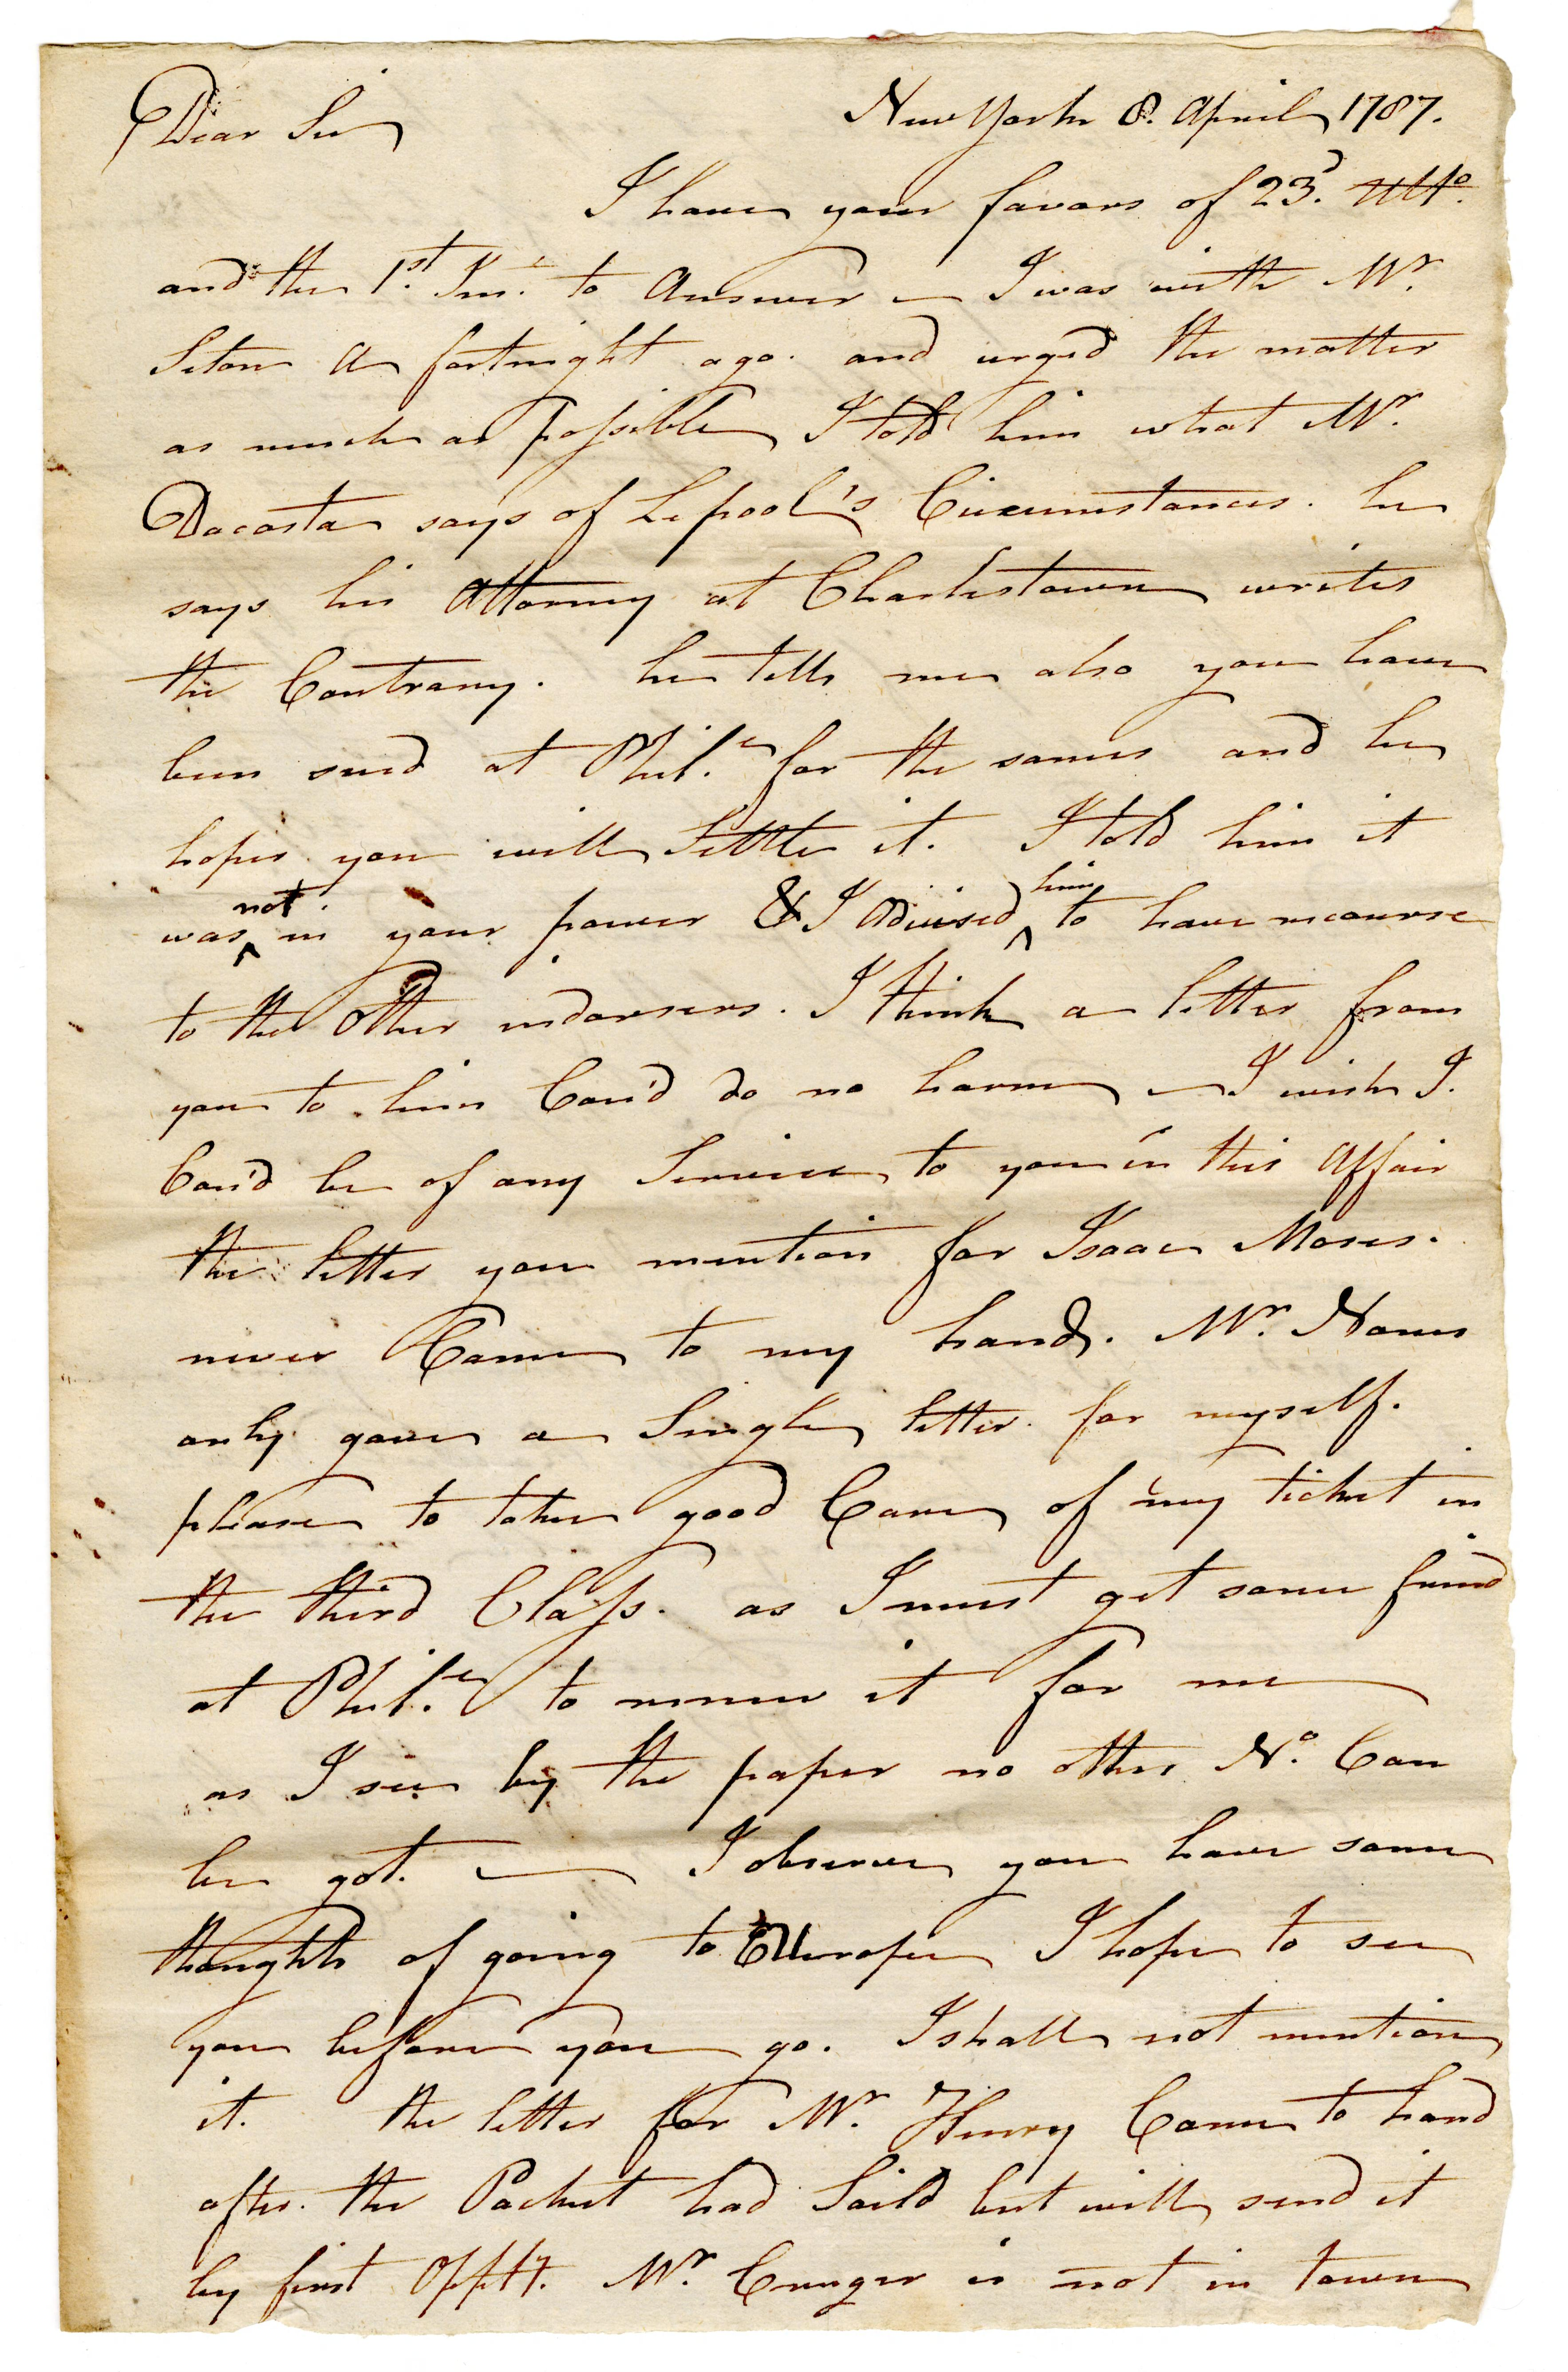New York 8. April 1787.
Dear Sir
I have your favors of 23^d Ult^o.
and the 1^st. Ins^t. to Answer- I was with M^r.
Seton a fortnight ago. and urged the matter
as much as possible, I told him what M^r.
Dacosta says of Lepool's Circumstances he
says his attorney at Charlestown writes
the Contrary. he tells me also your have
been sued at Phia^a. for the same and he
hopes you will Settle it. I told him it
not
him
was ^ in your power & I advised ^ to have recourse
to the other indorsers. I think a letter from
you to him Cou'd do no harm- I wish I
Cou'd be of any service to you in this affair
the letter your mention for Isaac Moses.
never came to my hand. M^r. Narus
or by gaven a single letter for myself
please to toke good Care of my ticket in
the third Class. as I must get some fund
at Phil^a. to morrow it for me
as I see by the paper no othes N^o. Can
be got.- I observe you have some
thoughts of going to Chester.- I hope to see
you before youu go. I shall not mention
it. the letter for M^r. Henry Came to hand
after. the Pachet had Saild but will send it
by first oppt^y. M^r. Cunger is not in town